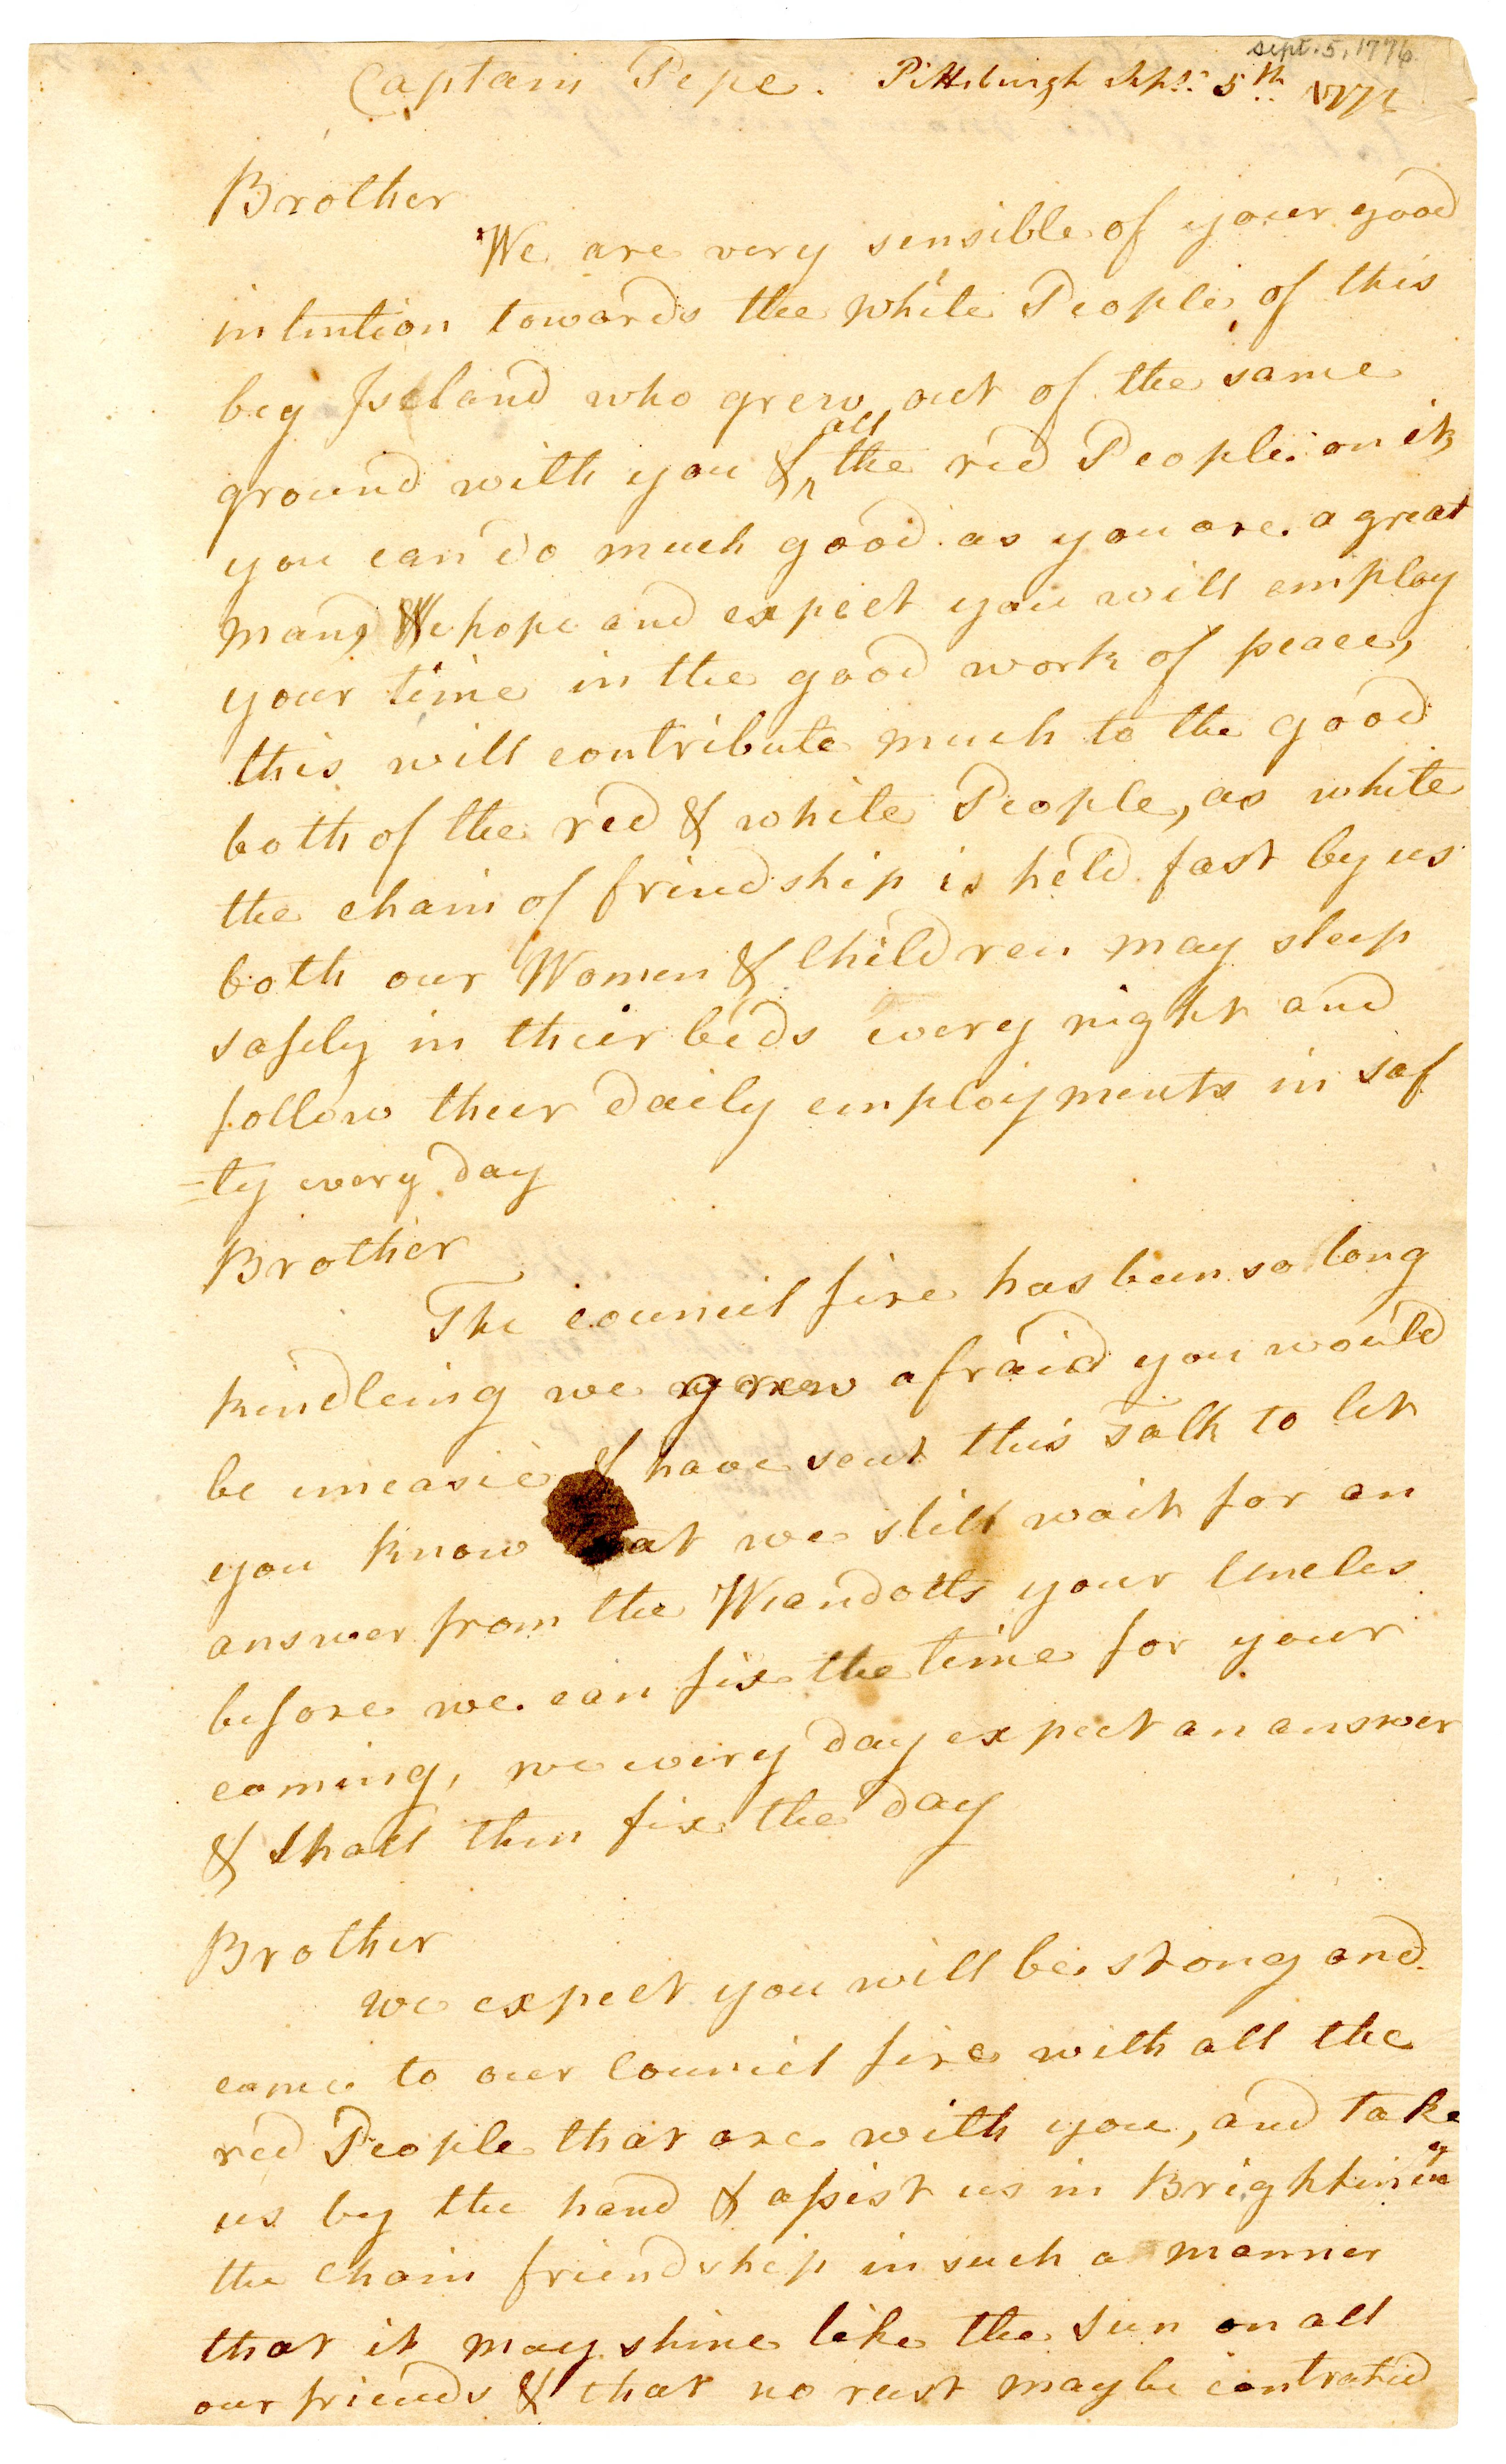Captain Pipe. Pittsburgh Sept^r. 5^th. 1776
Brother
We are very sensible of your good
intention towards the white People of this
big Island who grew out of the same
all
ground with you & ^all the red People on it,
you can do much good as you are a great
man & We hope and expect you will employ
your time in the good work of peace,
this will contribute much to the good
both of the red & white People, as white
the chain of friendship is held fast by us
both our Women & Children may sleep
safely in their beds every night and
follow their daily employments in saf
-ty every day.
Brother
The council fire has been so long
kindling we grow afraid you would
be uneasie & have sout this Talk to let
you Know that we still wait for our
answer from the Wiandotts your Uncles
before we can fix the time for your
coming, we every day expect an answer
& shall then fix the day
Brother
We expect you will be strong and
come to our council fire with all the
red People that are with you, and take
us by the hand & assist us in Brightening
the Chain friendship in such a manner
that it may shine like the sun on all
our friends & that no reevt may be contracted